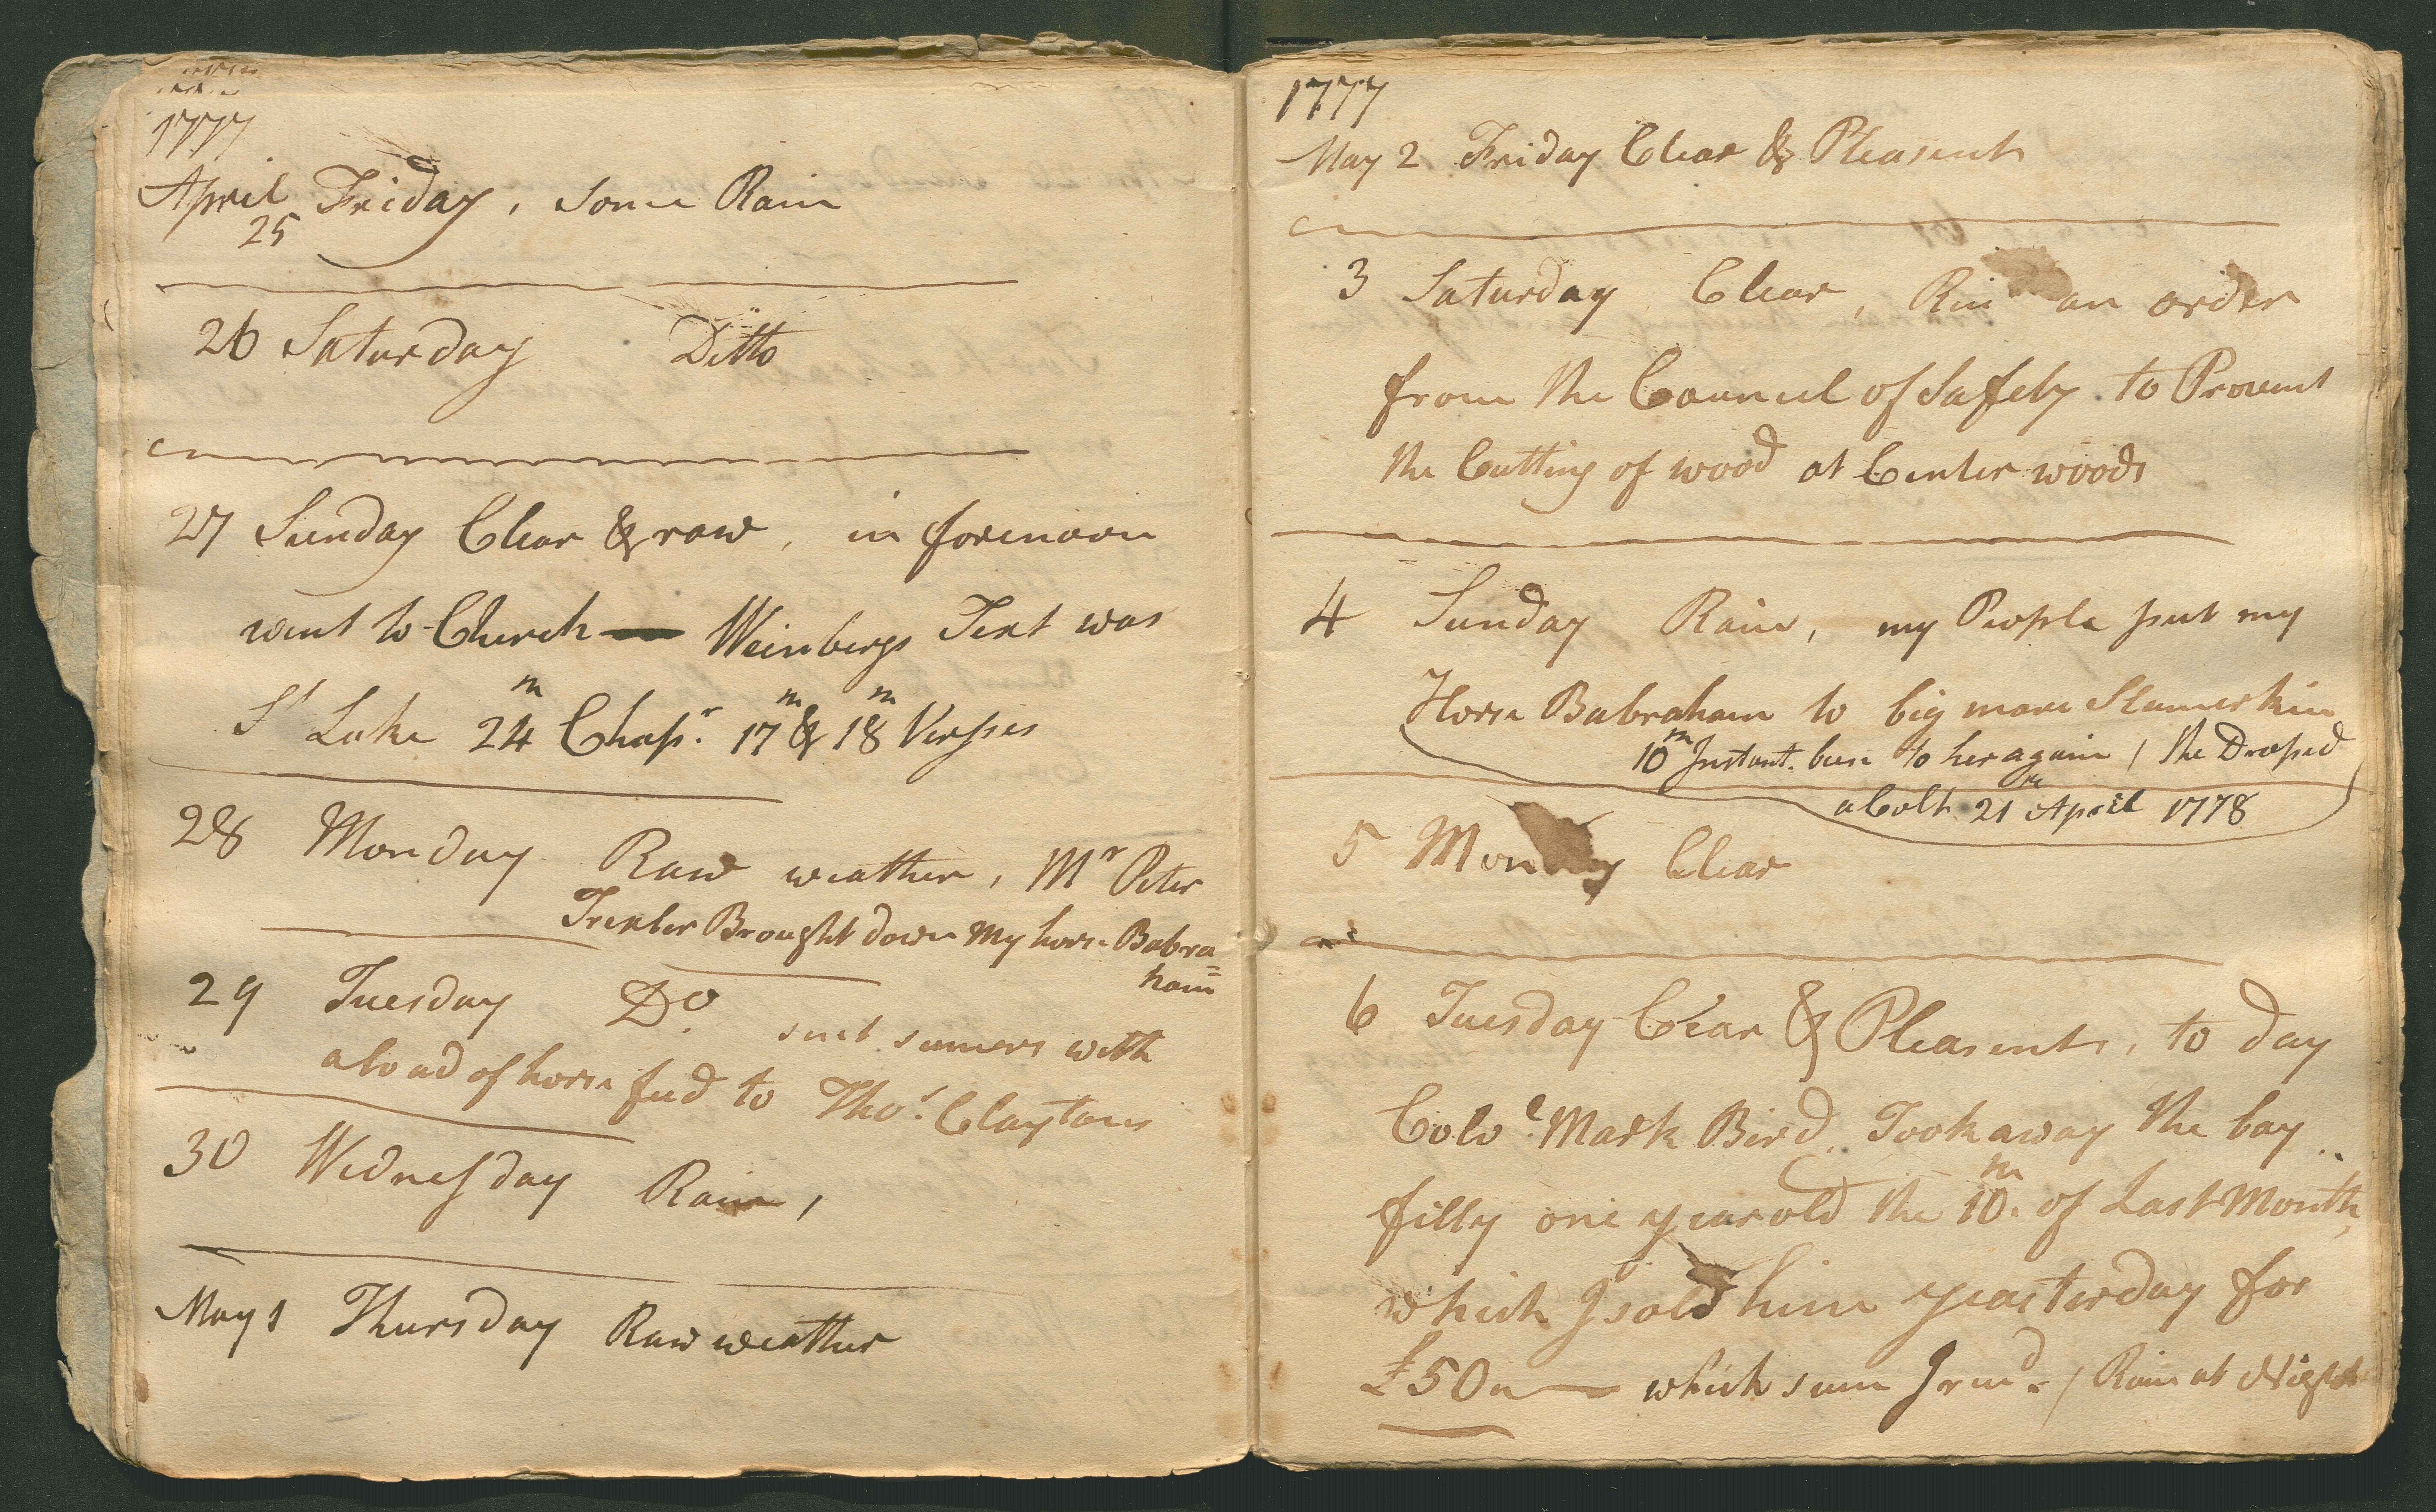1777
April, Friday. some Rain
26 Saturday Ditto
27 Sunday Clear & raw, in forenoon
went to Cherch- Weinberys Text was
S^t Luke 24th Chap^t. 17^th & 18^th Verses
28 Monday Raw weather, M^r. Peter
Trenler Brought down My horse Babra-
ham
29 Tuesday D^o sent sumers with
a load of hore feed to Tho^s. Claytons
30 Wednesday Rain,
May 1 Thursday Raw weather
1777
May 2 Friday Clear & Pleasent
3 Saturday Clear, Rec^d an order
from the Council of Safely to Provent
the Cutting of wood at Center woods
4 Sunday Rain, my People put my
Horse Babraham to big mare Slamerkin
10^th Instant. been to her again / the Droped
aColt 21^th April 1778
3 Monday Clear
6 Tuesday Clear & Pleasent, to day
Colo^l. Mark Bird Took away the bay
filly one year old the 10^th. of Last Month
which I sold him yeasterday for
£50- which sum I rec^d. / Rain at Night